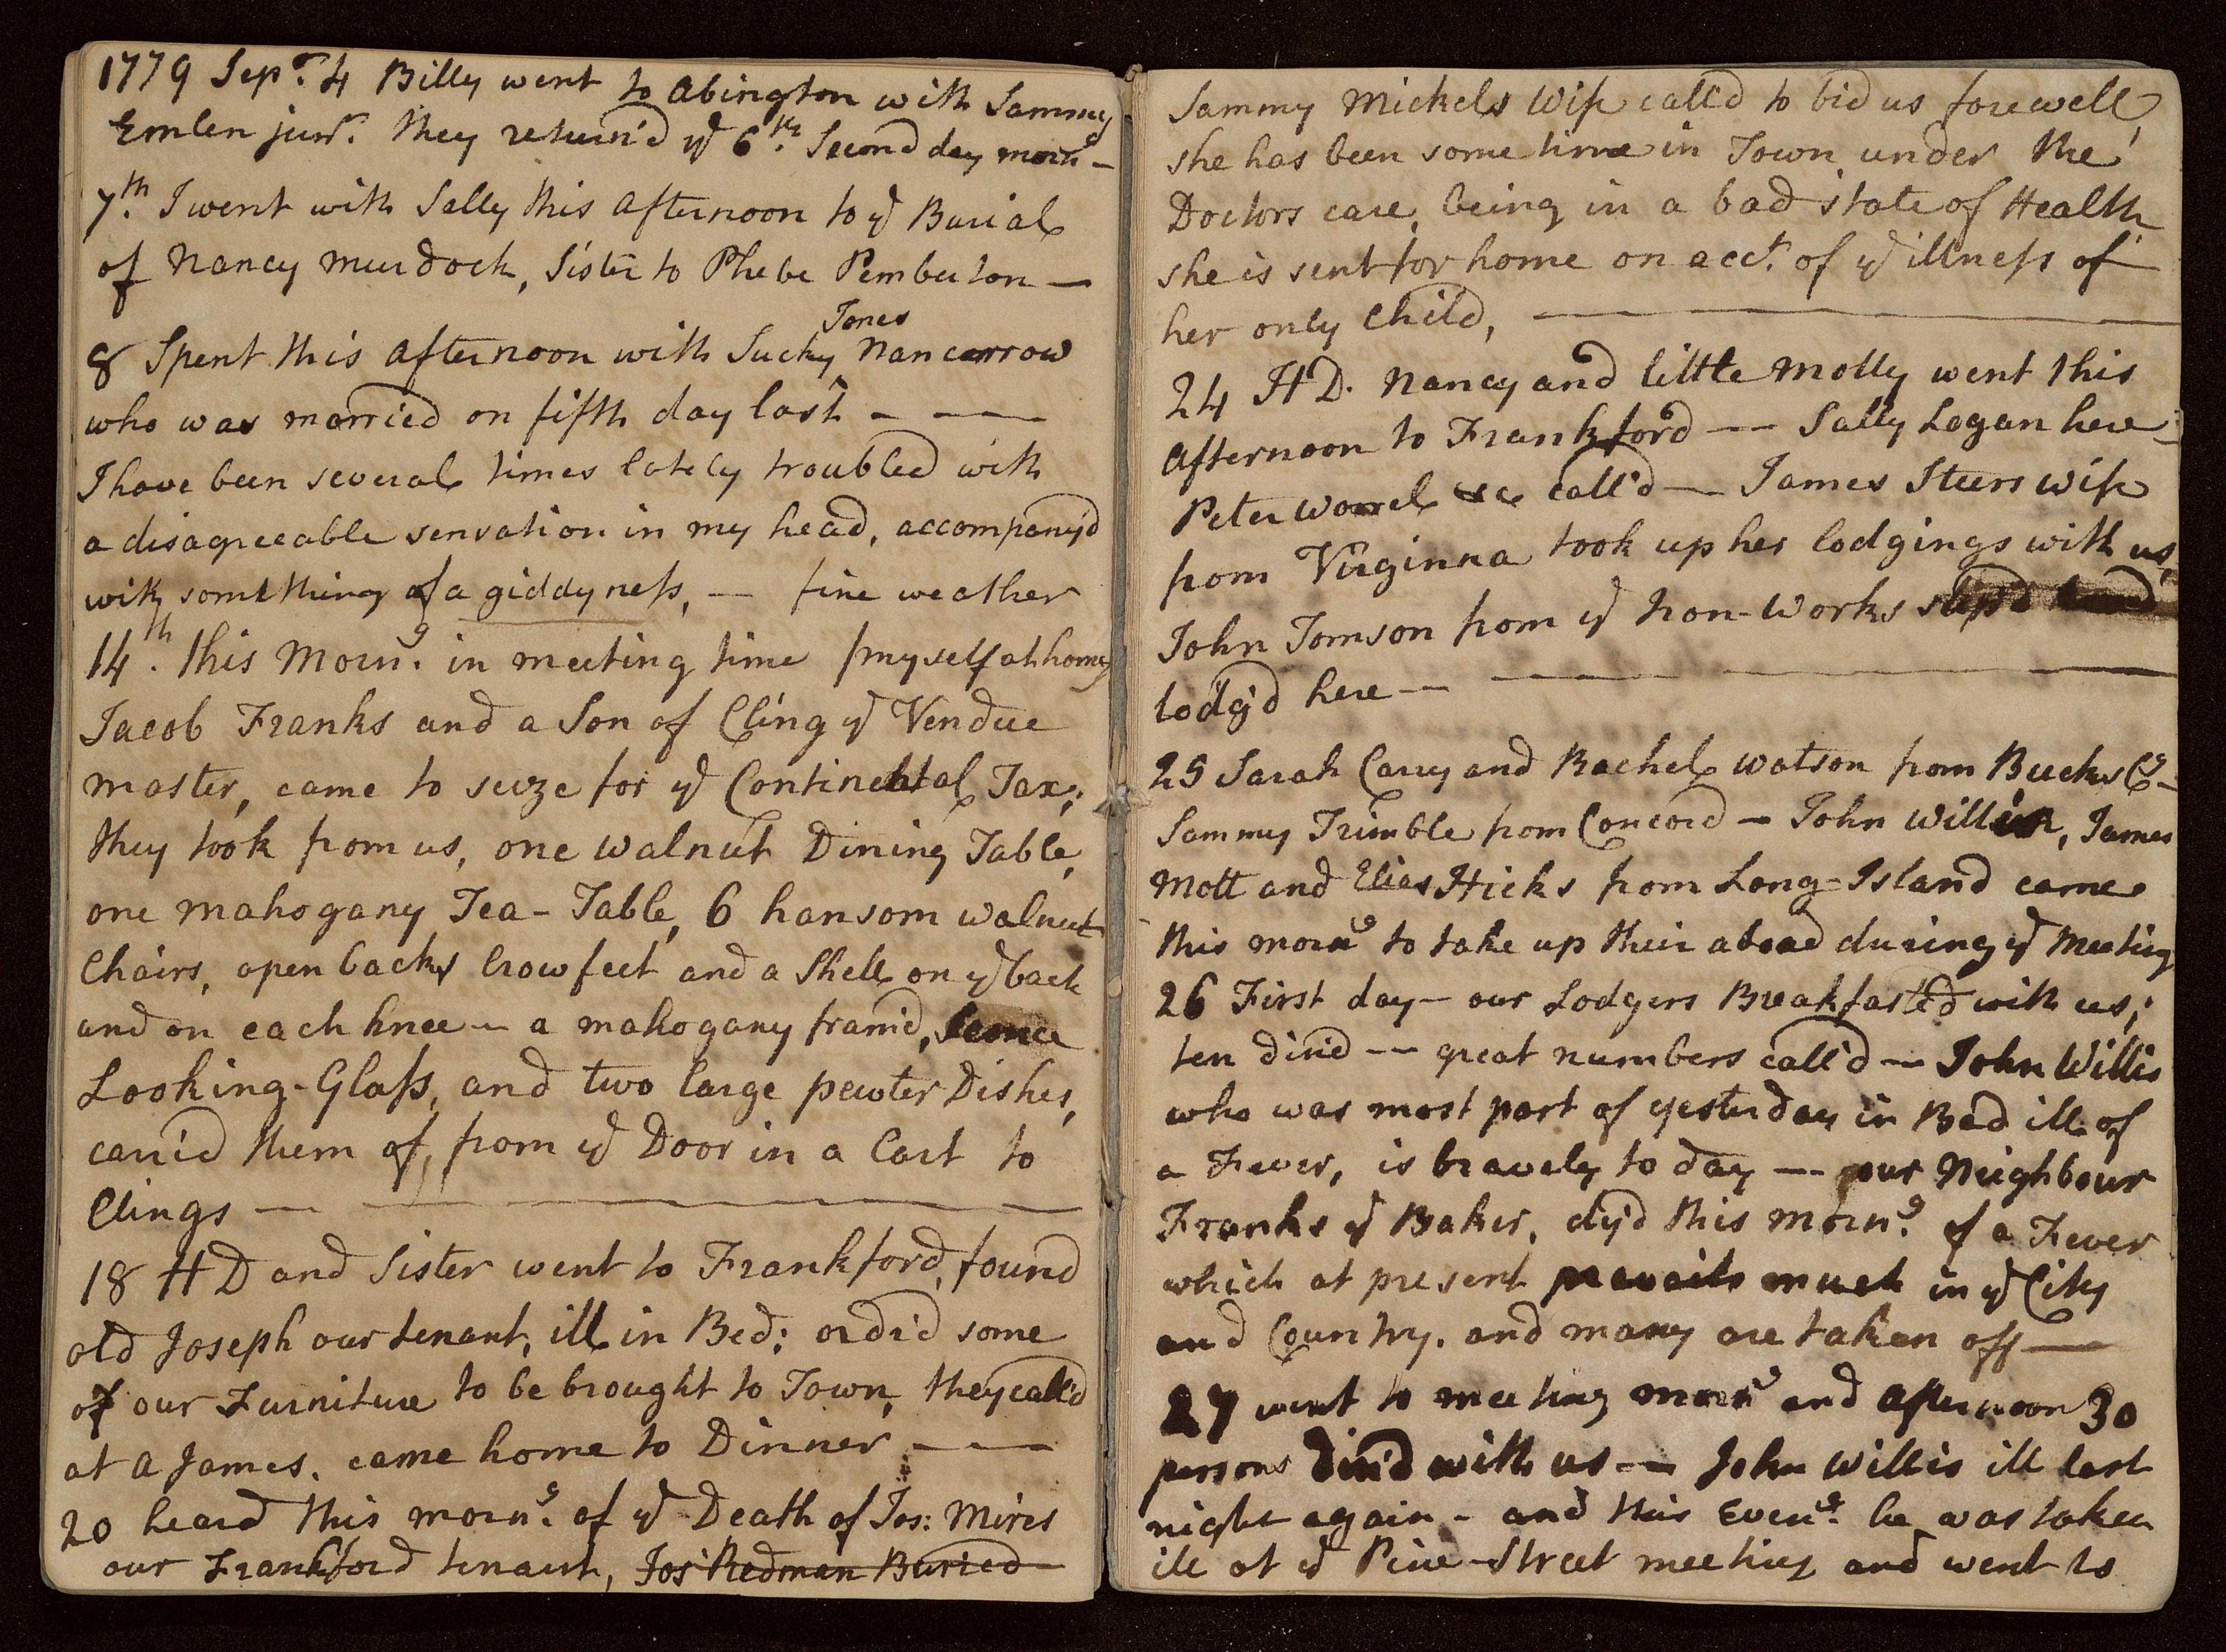1779 Sep^r. 4 Billy went to Abington with Sammy
Emlen jun^r. they return'd y^e 6^th. Second day morn^g-
7^th. I went with Sally this afternoon to y^e Burial
of Nancy Murdock, Sister to Phebe Pemberton-
Jones
8 spent this afternoon with Sucky ^ Nancarrrow
who was married on fifth day last-
I have been several times lately troubled with
a disagreeable sensation in my head, accompany'd
with something of a giddyness,- fine weather
14^th. this Morn^g. in meeting time (myself at homes
Jacob Franks and a Son of Cling y^e Vendue
master, came to seize for y^e Continental Tax;
they took from us, one Walnut Dining Table,
one mahogany Tea- Table, 6 hansom Walnut
Chairs, open backs Crow feet and a Shell on y^e back
and on each knee- a mahogany fram'd, sconce
Looking-Glass, and two large pewter Dishes,
carrid them of from y^e Door in a Cart to
Clings-
18 HD and sister went to Frankford, found
old Joseph our tenant, ill in Bed; ordr'd some
of our Furniture to be brought to Town, they call'd
at a James, came home to Dinner-
20 heard this morn^g. of y^e Death of Jos: Mires
our Frankford tenant, Jos' Redman Buried
Sammy Michels Wife call'd to bid us forewell,
she has been some time in Town, under the
Doctors care, being in a bad state of Health,
she is sent for home on acc^t. of y^e illness of
her only child,-
24 HD. Nancy and little Molly went this
Afternoon to Frankford-- Sally Logan here
Peter Worrel &c call'd- James Steers wife
from Virginna took up her lodgings with us,
John Tomson from y^e Iron-Works [stopd and]
lodg'd here-
25 Sarah Carry and Rachel Watson from Bucks C^y-
Sammy Trimble from Concord- John Willim, James
Mott and Elias Hicks from Long-Island came
this morn^g to take up their aboad during y^e meeting
26 First day- our Lodgers Breakfasted with us;
ten din'd-- great numbers call'd- John Willis
who was most part of yesterday in Bed ill of
a Fever, is bravely to day- four Neighbour
Franks y^e Baker, dy'd this morn^g. of a Fever
which at present prevails must in y^e City
and Country, and many are taken off-
27 went to meeting morn^g and afternoon 30
persons din'd with us- John Willis ill last
night again- and this Even^g. be was taken
ill at y^e Pine-Street meeting and went to